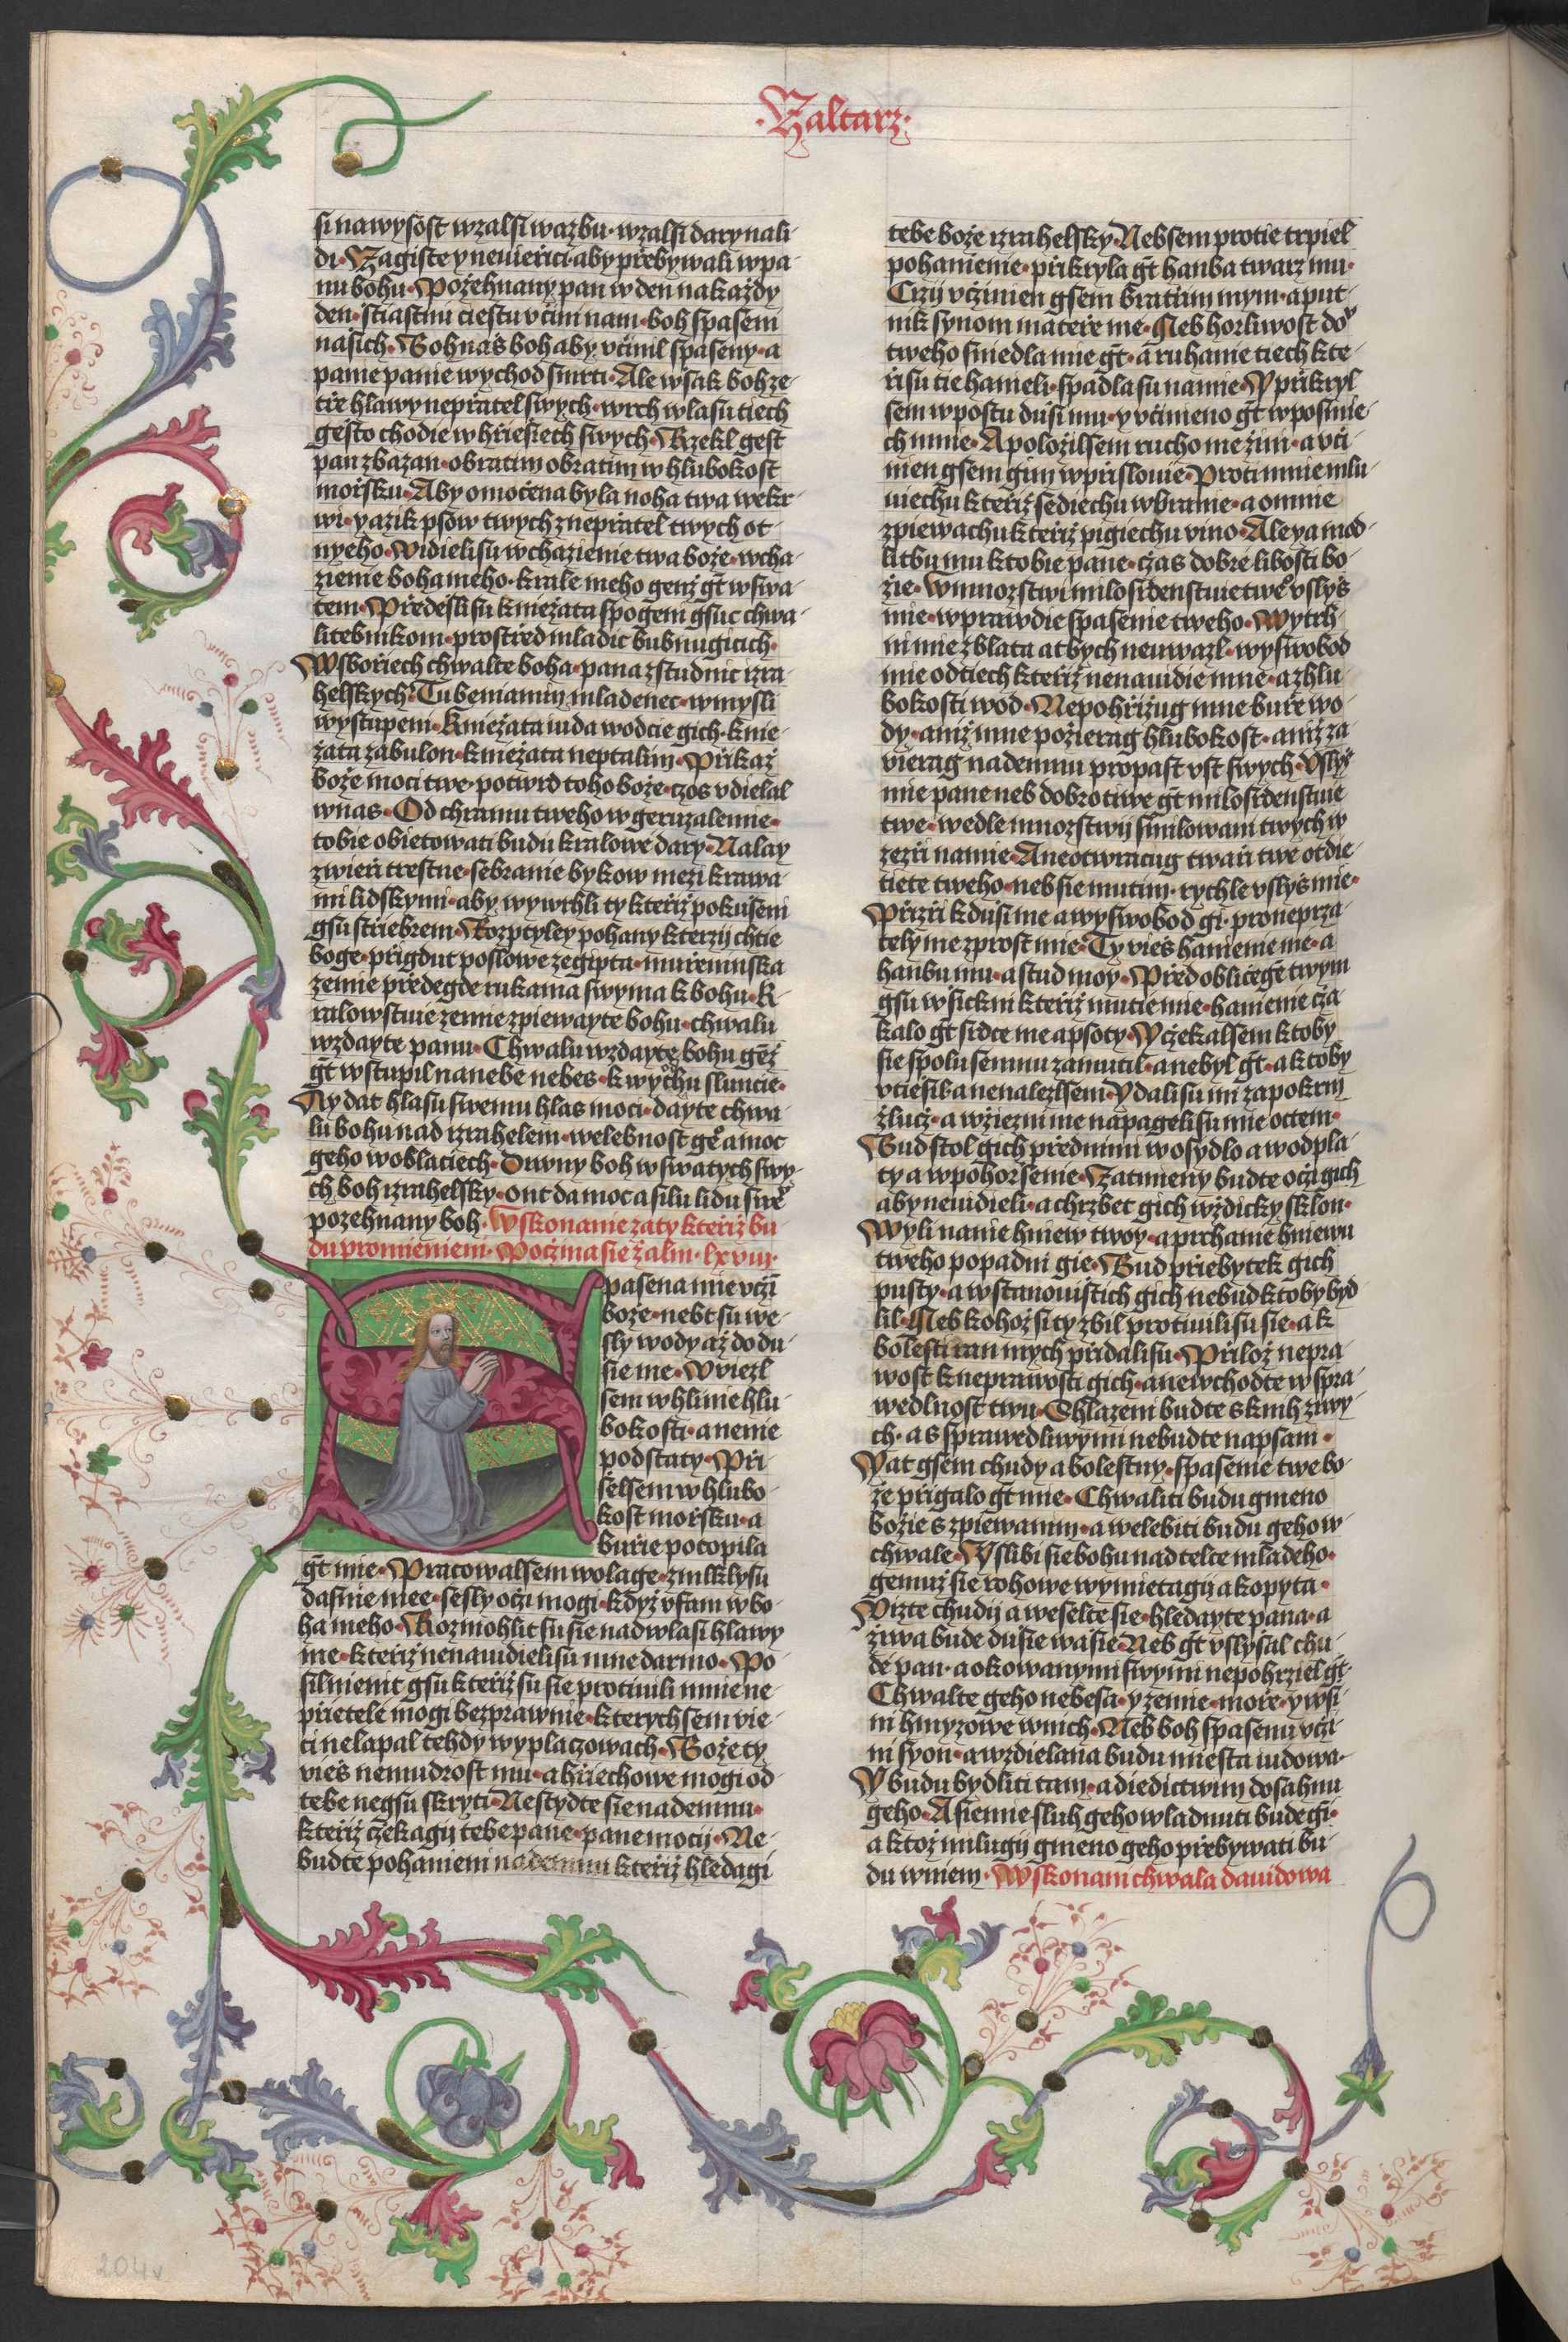.Zaltarz.
ſi nawyſoſt wzalſi wazbu.wzalſti dary nali¬
dy.Zagiſte y neuieṙici.aby pṙebywali wpa¬
nu bohu.Požehnany pan w den nakaždy
den.ẛtiaſtnú cieſtu vċini nam.bóh ſpaſení
naẛich.Bohnaṡ boh aby vċinil ſpaſeny.a
panie panie wychod ſmrti.Ale wẛak bohze
tṙe hlawy nepṙatel ſwych.wrch wlaſu tiech
geẛto chodíe whṙieẛieth ſwych.Rzekl geſt
par zbazan.obratim obratim w hlubokoſt
moṙſku.Aby omoċena byla noha twa wekr¬
wi.yazik pſow twych znepṙatel twych ot¬
nyeho.Vidieliſu wchazienie twa boże.wcha
zienie boha meho.krale meho genž ḡt wſwa¬
tem.Pṙedeẛli ſu kniežata ſpogeni gſuc chwa¬
litebnikom.proſtṙed mladic bubnugicich.
Wſboṙiech chwalte boha.pana zſtudnic Izra¬
helſkych.Tubeniamin mladenec.wmyſli
wyſtupení.Knieżata iuda wodcie gich.knie¬
żata zabulon.kníežata neptalim.Pṙíkaż
boże moci twe.potwrd toho boże.czos vdielal
wnas.Od chramu tweho w geruzalemie.
tobie obietowati budú kralowé dary.Nalay
zwieṙi treſtne.ſebranie bykow mezi krawa¬
mi lidſkymi.aby wywrhli ty kteṙíż pokuẛeni
gſu ſtṙíebrem.Rozptyley pohany kterzij chtíe
boge.pṙigdut poſlowe zegipta.muṙenínſka
zemie pṙedegde rukama ſwyma k bohu.K¬
ralowſtuie zemie zpiewayte bohu.chwalu
wzdayte panu.Chuwalu wzdayte bohu gēż
ḡt wſtupil nanebe nebes.kwyodchu ſluncie.
Ay dat hlaſu ſwemu hlas moci.dayte chwa¬
lu bohu nad izrahelem welebnoſt geo a moc
geho woblaciech.Drwny boh wſwatych ſwy¬
ch bóh izrahelſky.ont da moc a ſilu lidu ſwev
pozehnany bóh.Wſkonanie zaty kteṙiż bu¬
du promienieni.Pocżina ſie żalm.lxviii.
paſena mie vċżī
boże.nebṫ ſu we¬
ſly wody aż do du¬
ſie me.Vviezl
ſem whlinie hlu¬
bokoſti.a nenie¬
podſtaty.Pṙi¬
ẛelſem whlubo¬
koſt moṙſku.a
buṙie potopila
ḡt mie.Pracowalſem wolage.zmlklyſu
daſnie mee.ſeſly oċi mogi.kdyż vfani wbo¬
ha meho.Rozmohlit ſu sie nadwlaſi hlawy
me.kteṙiż nenauidieliſu mne darmo.Po¬
ſilnienit gſu kteṙiż ſu ſie protiuili mnie ne¬
pṙíetelé mogi bezprawnie.kterych ſem vie¬
ci nelapal tehdy wyplaczowach.Boże ty
vieṡ nemudroſt mu.a hṙiechowe mogi od¬
tebe negſu ſkryti.Neſtydte ſie nademnu.
kteṙiż cżekagii tebe pane.panemocij.Ne¬
buḋte pohanieni nademnu kteṙíž hledagí
tebe boże izrahelſky.Nebſem protie trpiel
pohanienie.pṙikryla ḡt hanba twarz mu.
Cizij vċzinien gſem bratṙím mym.aput¬
nik ſynom mateṙe mé.Neb horliwost dov
twého ſniedla mie ḡt.a ruhanie tiech kte¬
ṙiſu tie hanieli.ſpadla ſu nanie.Ypṙikryl
ſem wpoſtu duẛi mu.y vċinieno ḡt wpoſmie¬
ch mnie.A položilſem rucho meżini.a vċi¬
nien gſem gim wpṙiſlouie.Proti mnie mlu¬
uiechu kteṙiż ſediechu wbranie.a omnie
zpíewachu kteṙíż pigíechu víno.Aleya mod¬
litbu mu ktobie pane.cżas dobré liboſti bo¬
żie.Wmnozſtwí miloſrdenſtuie tweo vſlyṡ
mie.wprawdie ſpaſenie tweho.Wytrh¬
ni mie zblata atbych neuwazl.wyſwobod
mie odtiech kteṙíż nenauidie mne.a zhlu¬
bokoſtí wod.Nepohṙiżug mne buṙe wo¬
dy.aniż mne pożierag hlubokoſt.aniż za¬
vierag nademnu propaſt vſt ſwych.Uſlyṡ
mie pane neb dobrotiwe ḡt miloſrdenſtuíe
twe.wedle mozſtwij ſmilowaní twych w
zezṙi namie.Aneotwracug twaṙi twe otdíe¬
tiete tweho.neb ſie mutím.rychle vſlyš mie.
Pṙizṙi kduẛi me a wyſwobod gi.proneprza¬
tely me zproſt mie.Ty vieṡ hanienie mé.a
hanbú mu.a ſtud moy.Pṙed obliċegē twym
gſu vẛickni kteṙíż mutiemie.hanienie cża¬
kalo gt ſrdce me a pſoty.Y cżekalsem ktoby
ſie ſpolu ſemnu zamutil.anebyl ḡt.aktoby
vtieẛil.a nenalezlsem.Ydalisu mi zapokrm
żlucż.a wżiezni me nageli ſu mie octem.
Bud ſtol gich pṙednimi woſydlo a wodpla¬
ty a wpokoṙenie.Zatmieny budte ocżi gich
aby neuidieli.achrzbet gich wżdicky ſklon.
Wyli nanie hniew twoy.aprchaníe hniewu
tweho popadni gie.Bud pṙiebytek gich
puſty.a wſtanouiẛtích gich nebudktoby byd¬
lil.Neb kohoż ſi ty zbil protiuiliſu ſie.a k
bolesti ran mych pṙidali ſu.Pṙiloż nepra¬
woſt kneprawoſti gich.a newchodte v ſpra¬
wedlnoſt twu.Shlazeni budte sknih zrwy¬
ch.a sſprawedliwymi nebudte napſani.
Yat gſem chudy a boleſtny.ſpaſenie twe bo¬
że pṙigalo ḡt mie.Chwaliti budu gmeno
bożie s zpiewanim.a welebiti budu gehow¬
chwale.Yſlibi ſiebohu nad telce mladeho.
gemuż ſie rohowe mietagij akopyta.
Vizte chudij a weſelte ſie.hledayte pana.a
żiwa bude duẛie waẛie.Neb ḡt vslyẛal chu¬
dé pan.a okowanymi ſwymi nepohrziel ḡt
Chwalte geho nebeſa.y zemie.moṙe.y wſi¬
ni hmyzowe wnich.Neb boh ſpaſenu vcżi¬
ni ſyone.awzdielana budu mieſta iudowa.
Y budu bydliti tam.a diedictwim doſahnu
geho.A ſiemie ſluh geho wladnuti bude gī.
a ktoż milugij gmeno geho pṙebywati bu¬
du wniem.Wſkonaní chwala dauidowa